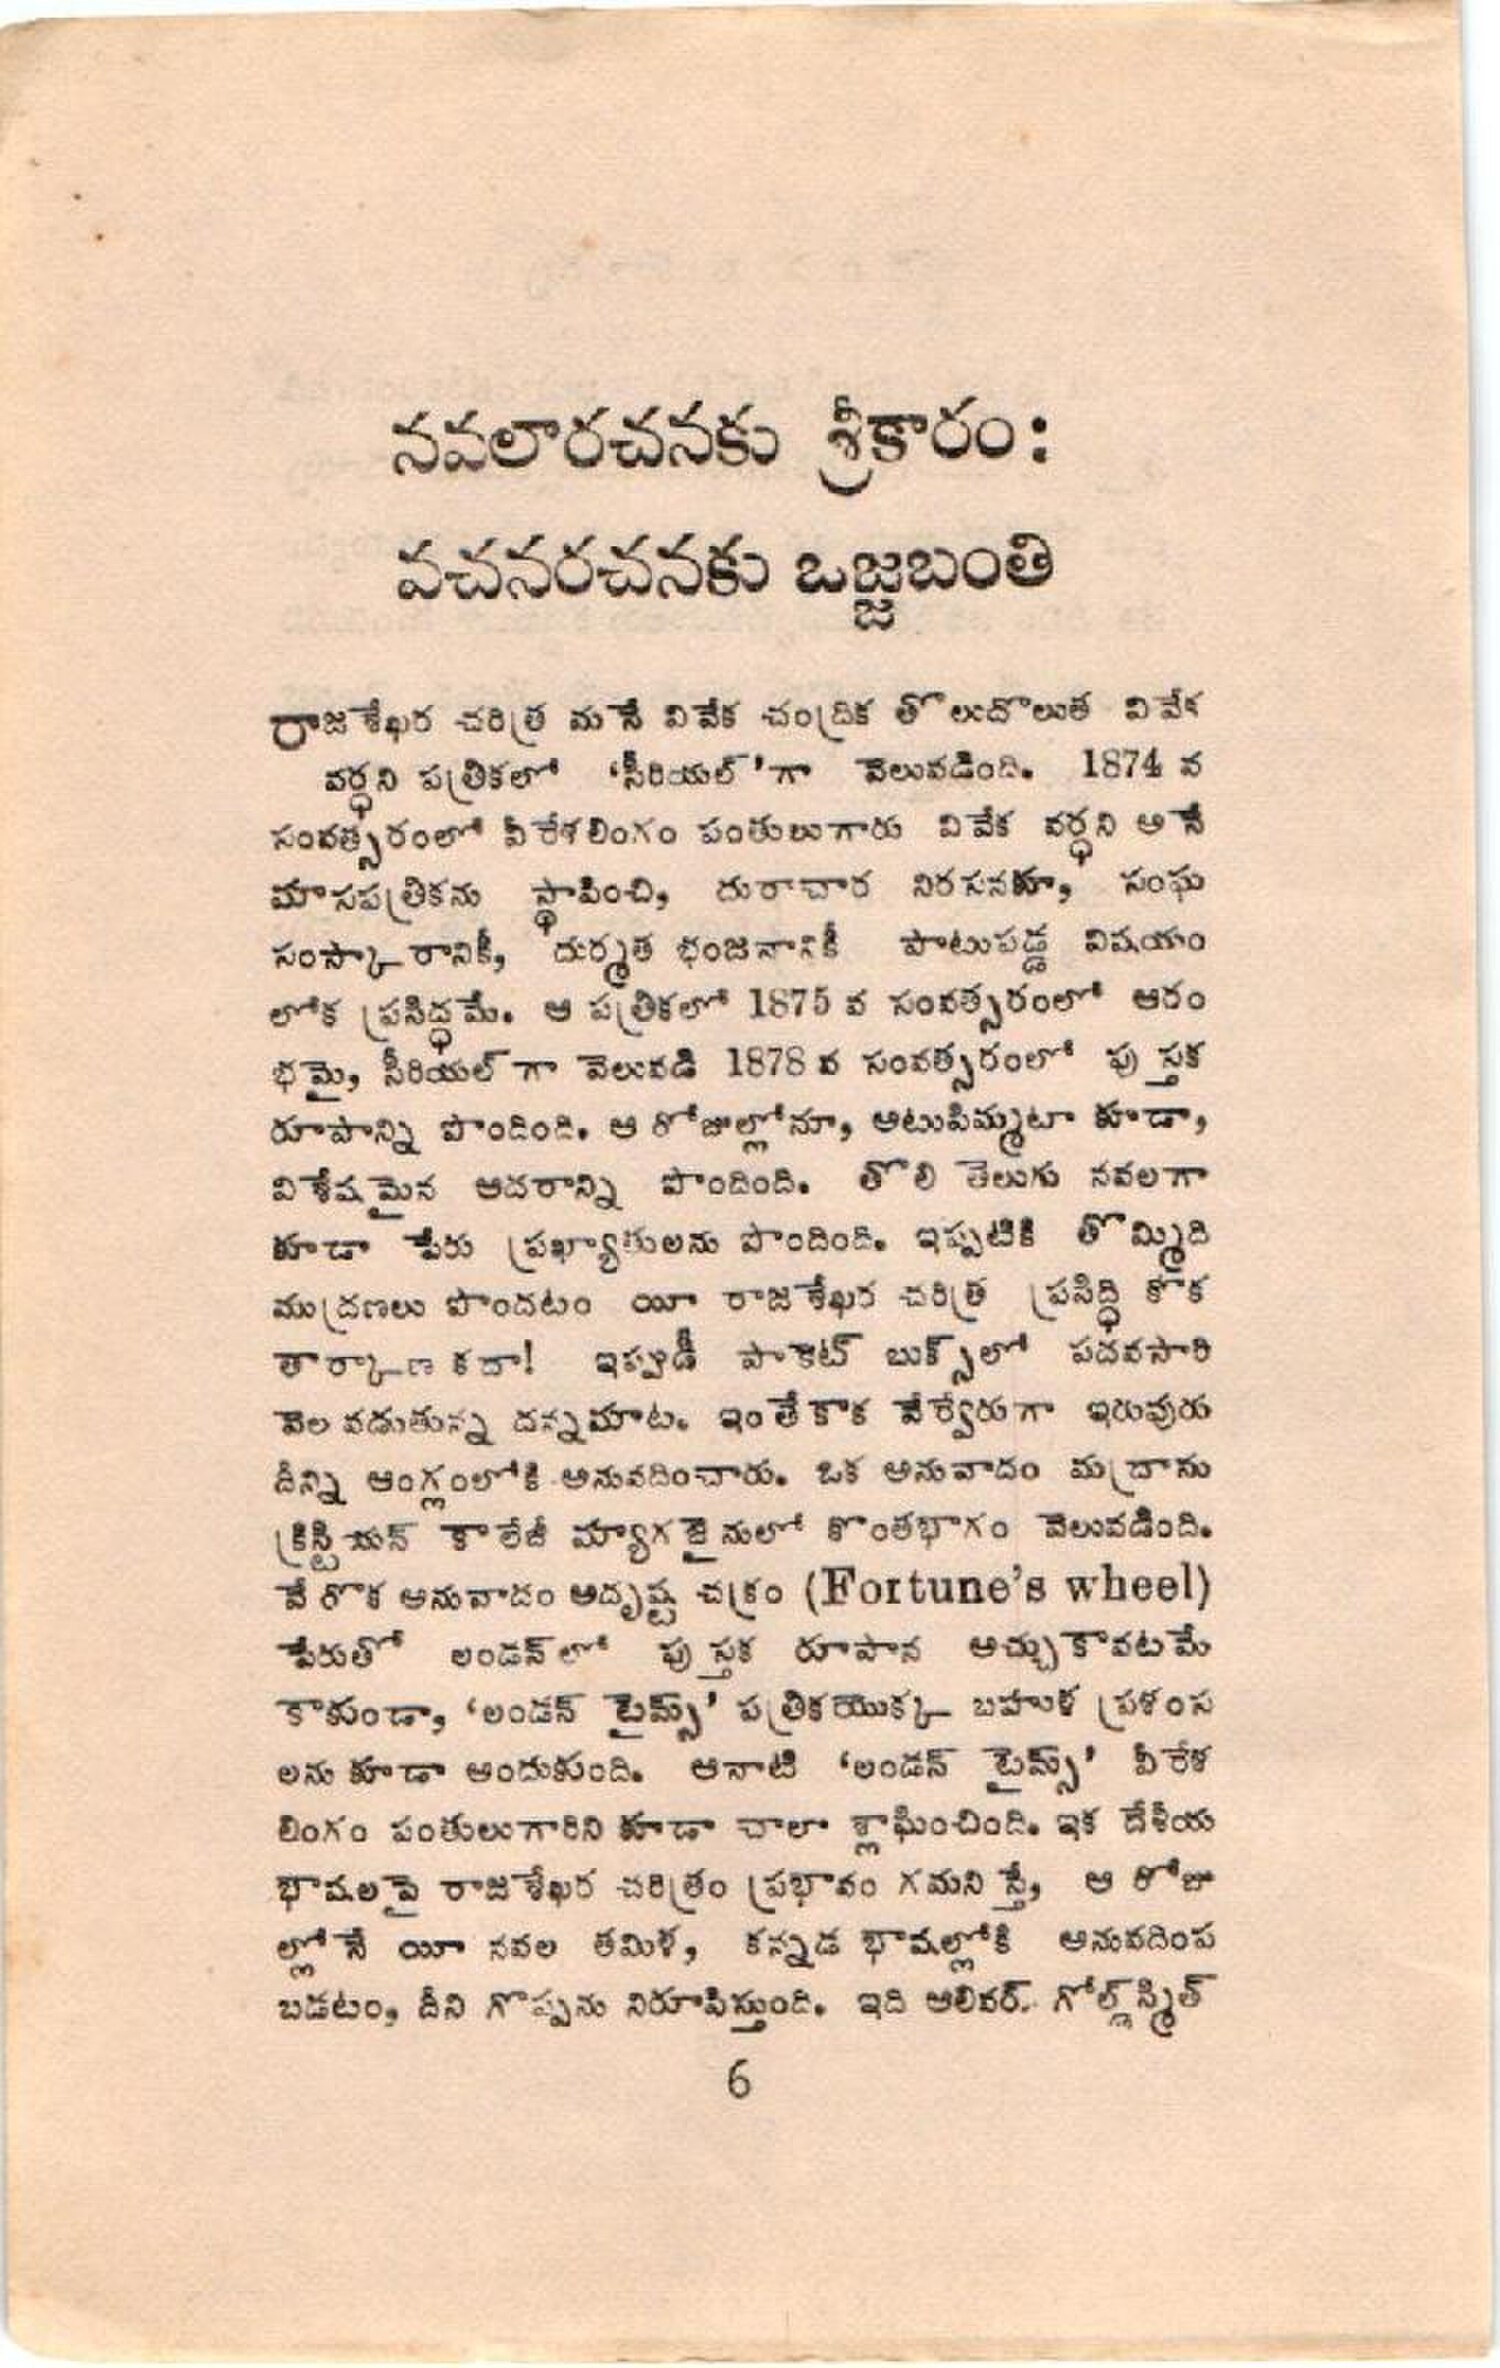నవలారచనకు శ్రీకారం:వచన రచనకు ఒజ్జబంతి

రాజశేఖర చరిత్ర మనే వివేక చంద్రిక తొలుదొలుత వివేక వర్ధని పత్రికలో 'సీరియల్' గా వెలువడింది. 1874 వ సంవత్సరంలో వీరేశలింగం పంతులుగారు వివేక వర్ధని అనే మాసపత్రికను స్థాపించి, దురాచార నిరసనకూ, సంఘ సంస్కారానికీ, దుర్మత భంజనానికీ పాటుపడ్డ విషయం లోక ప్రసిద్ధమే. ఆ పత్రికలో 1875 వ సంవత్సరంలో ఆరంభమై, సీరియల్ గా వెలువడి 1878 వ సంవత్సరంలో ఫుస్తక రూపాన్ని పొందింది. ఆ రోజుల్లోనూ అటుపిమ్మటా కూడా, విశేషమైన ఆదరాన్ని పొందింది. తొలి తెలుగు నవలగా కూడా పేరు ప్రఖ్యాతులను పొందింది. ఇప్పటికి తొమ్మిది ముద్రణలు పొందటం యీ రాజశేఖర చరిత్ర ప్రసిద్ధి కొక తార్కాణ కదా! ఇప్పుడీ పాకెట్ బుక్స్‌లో పదవసారి వెలువడుతున్నదన్నమాట. ఇంతేకాక వేర్వేరుగా ఇరువురు దీన్ని ఆంగ్లంలోకి అనువదించారు. ఒక అనువాదం మద్రాసు క్రిస్టియన్ కాలేజీ మ్యాగజైనులో కొంతభాగం వెలువడింది. వేరొక అనువాదం అదృష్ట చక్రం (Fortune's wheel) పేరుతో లండన్‌లో పుస్తక రూపాన అచ్చుకావటమే కాకుండా, 'లండన్ టైమ్స్' పత్రిక యొక్క బహుళ ప్రశంస లను కూడా అందుకుంది. ఆనాటి 'లండన్ టైమ్స్' వీరేశలింగం పంతులు గారిని కూడా చాలా శ్లాఘించింది. ఇక దేశీయ భాషలపై రాజశేఖర చరిత్రం ప్రభావం గమనిస్తే, ఆ రోజుల్లోనే యీ నవల తమిళ, కన్నడ భాషల్లోకి అనువదింపబడటం, దీని గొప్పను నిరూపిస్తుంది. ఇది ఆలివర్ గోల్డ్ స్మిత్